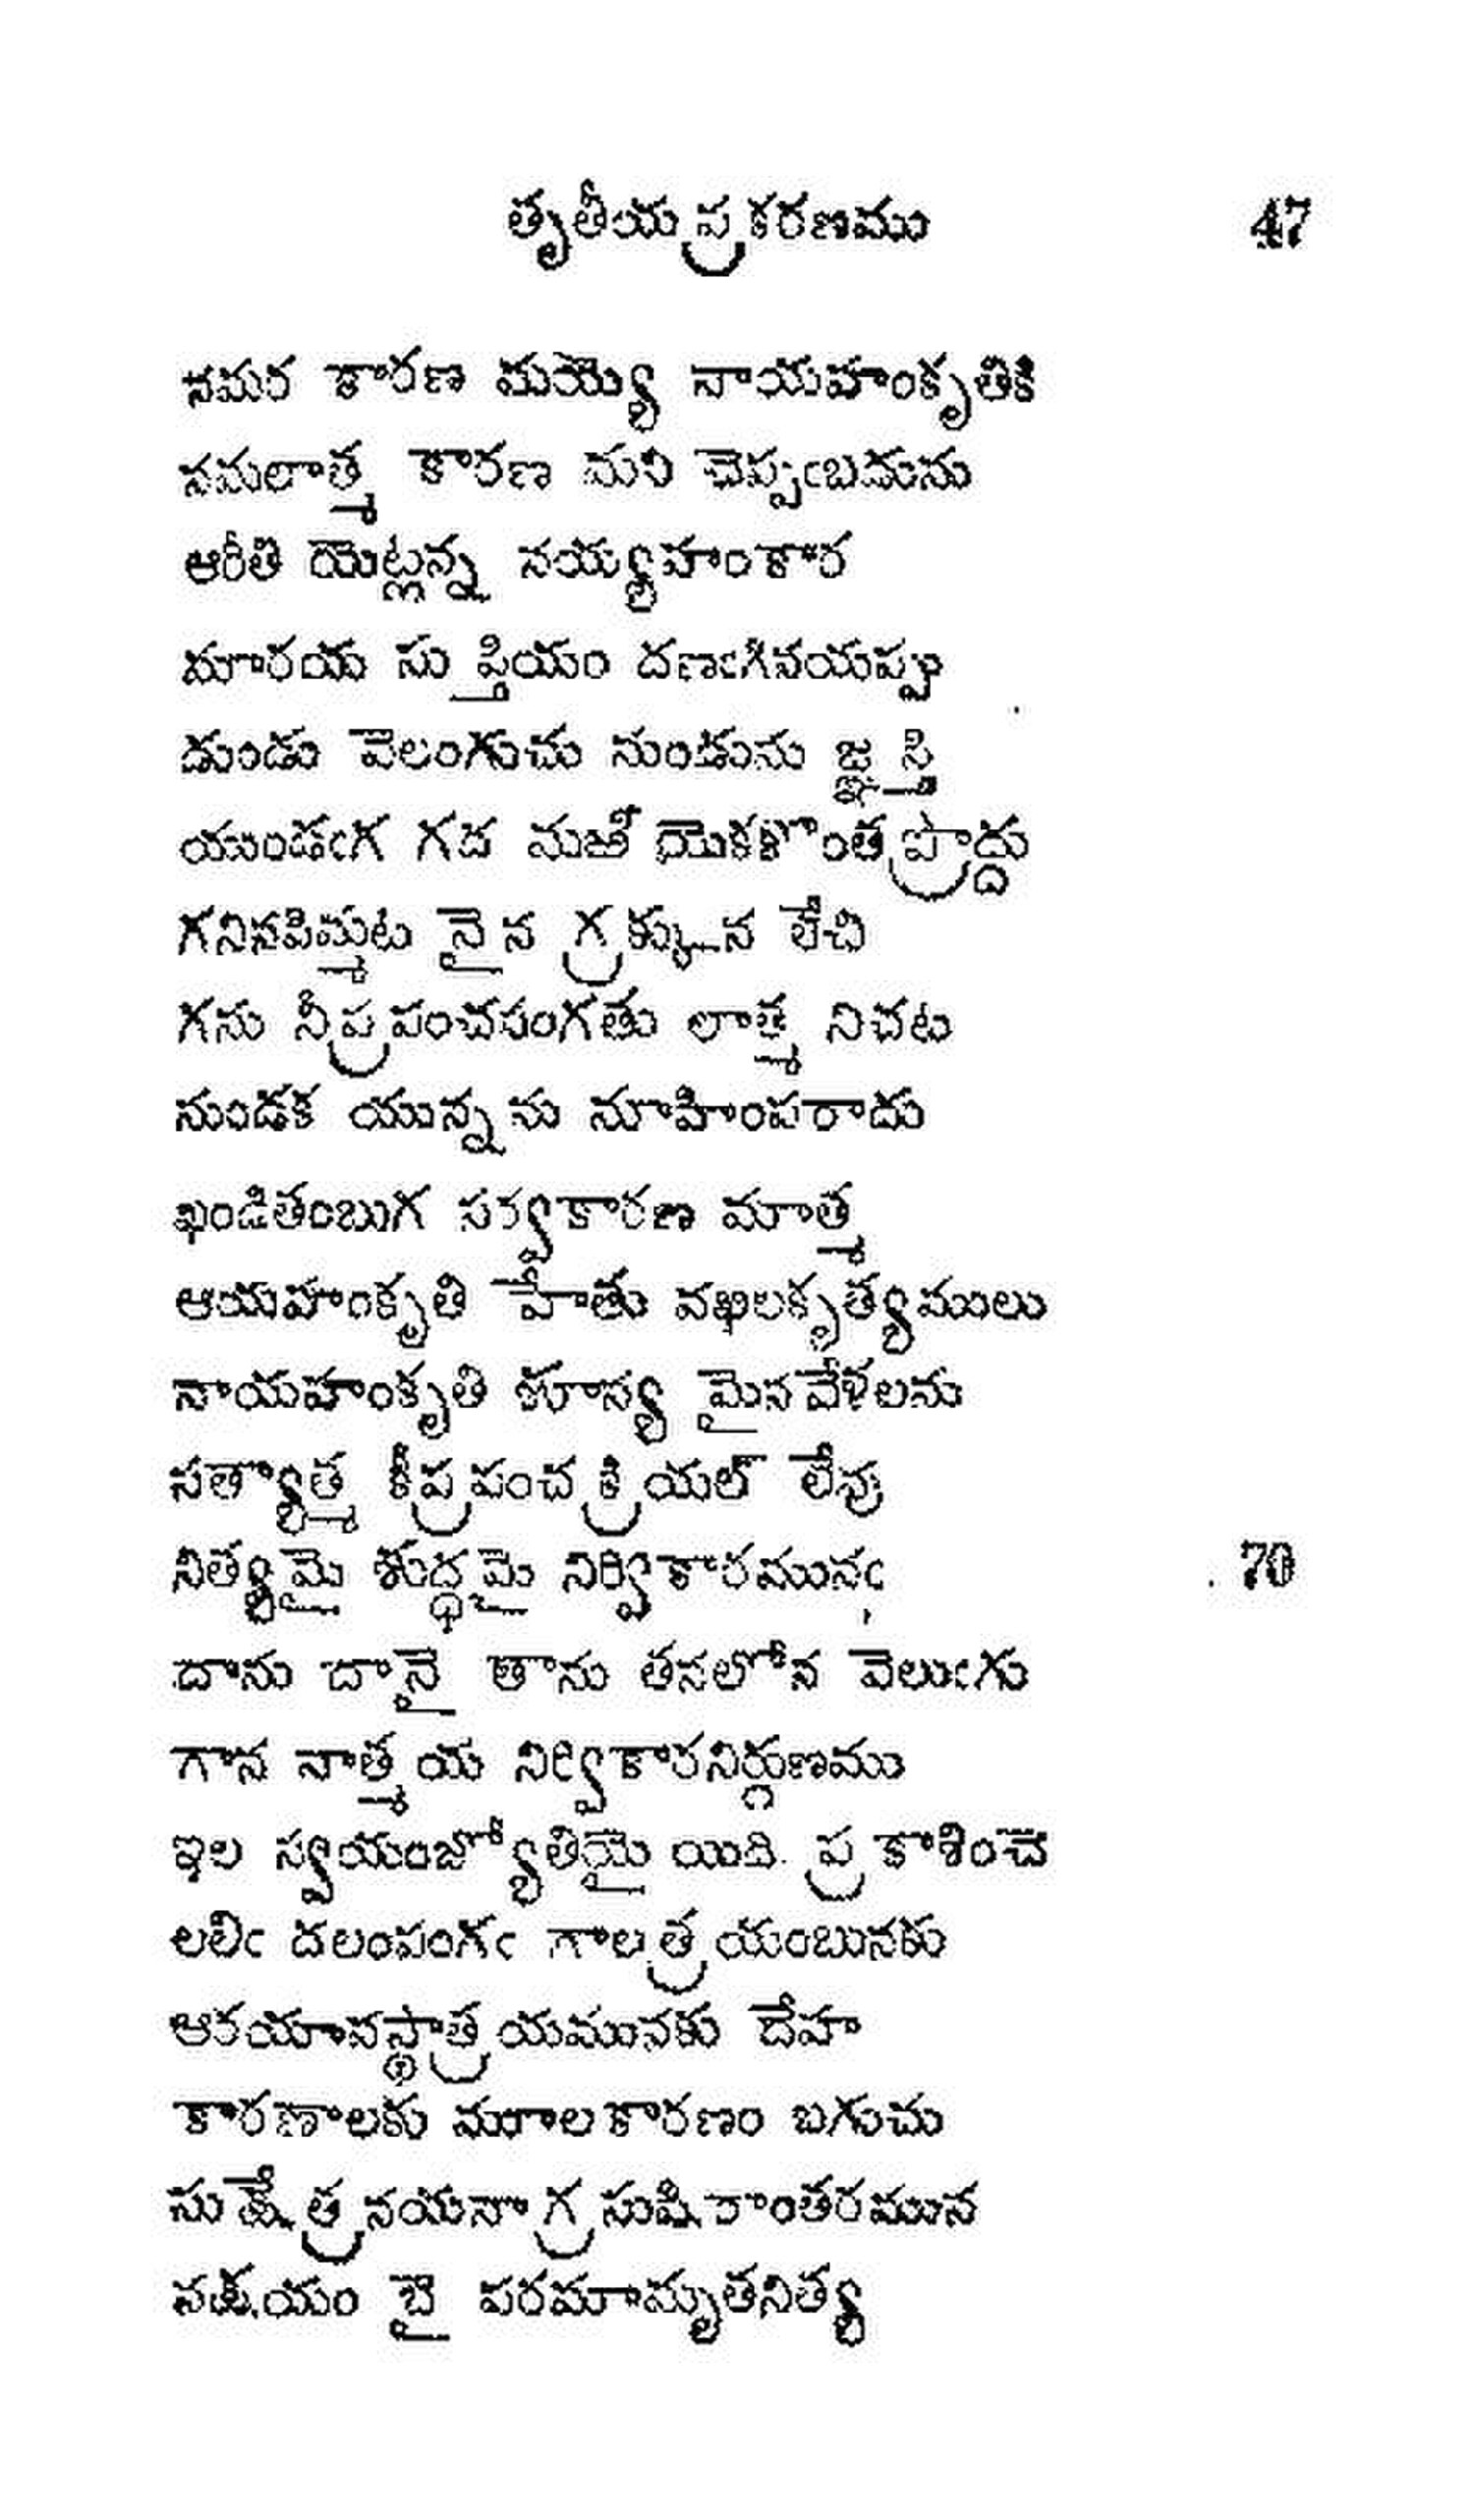నమర కారణ మయ్యె నాయహంకృతికి
నమలాత్మ కారణ మని చెప్పఁబడును
ఆరీతి యెట్లన్న నయ్యహంకార
మారయ సుప్తియం దణఁగినయప్పు
డుండు వెలంగుచు నుండును జ్ఞప్తి
యుండఁగ గద మఱి యెకకొంతప్రొద్దు
గనినపిమ్మట నైన గ్రక్కున లేచి
గను నీ ప్రపంచసంగతు లాత్మ నిచట
నుండక యున్నను నూహింపరాదు
ఖండితంబుగ సర్వకారణ మాత్మ
ఆయహంకృతి హేతు వఖిలకృత్యములు
నాయహంకృతి శూన్య మైనవేళలను
సత్యాత్మ కీప్రపంచక్రియల్ లేవు
నిత్యమై శుద్ధమై నిర్వికారమునఁ
దాను దానై తాను తనలోన వెలుఁగు
గాన నాత్మయ నిర్వికారనిర్గుణము
ఇల స్వయంజ్యోతిమై యిది ప్రకాశించె
లలిఁ దలంపంగఁ గాలత్రయంబునకు
ఆరయావస్థాత్రయమునకు దేహ
కారణాలకు మూలకారణం బగుచు
సుక్షేత్రనయనాగ్రసుషిరాంతరమున
నక్షయం బై పరమామృతనిత్య